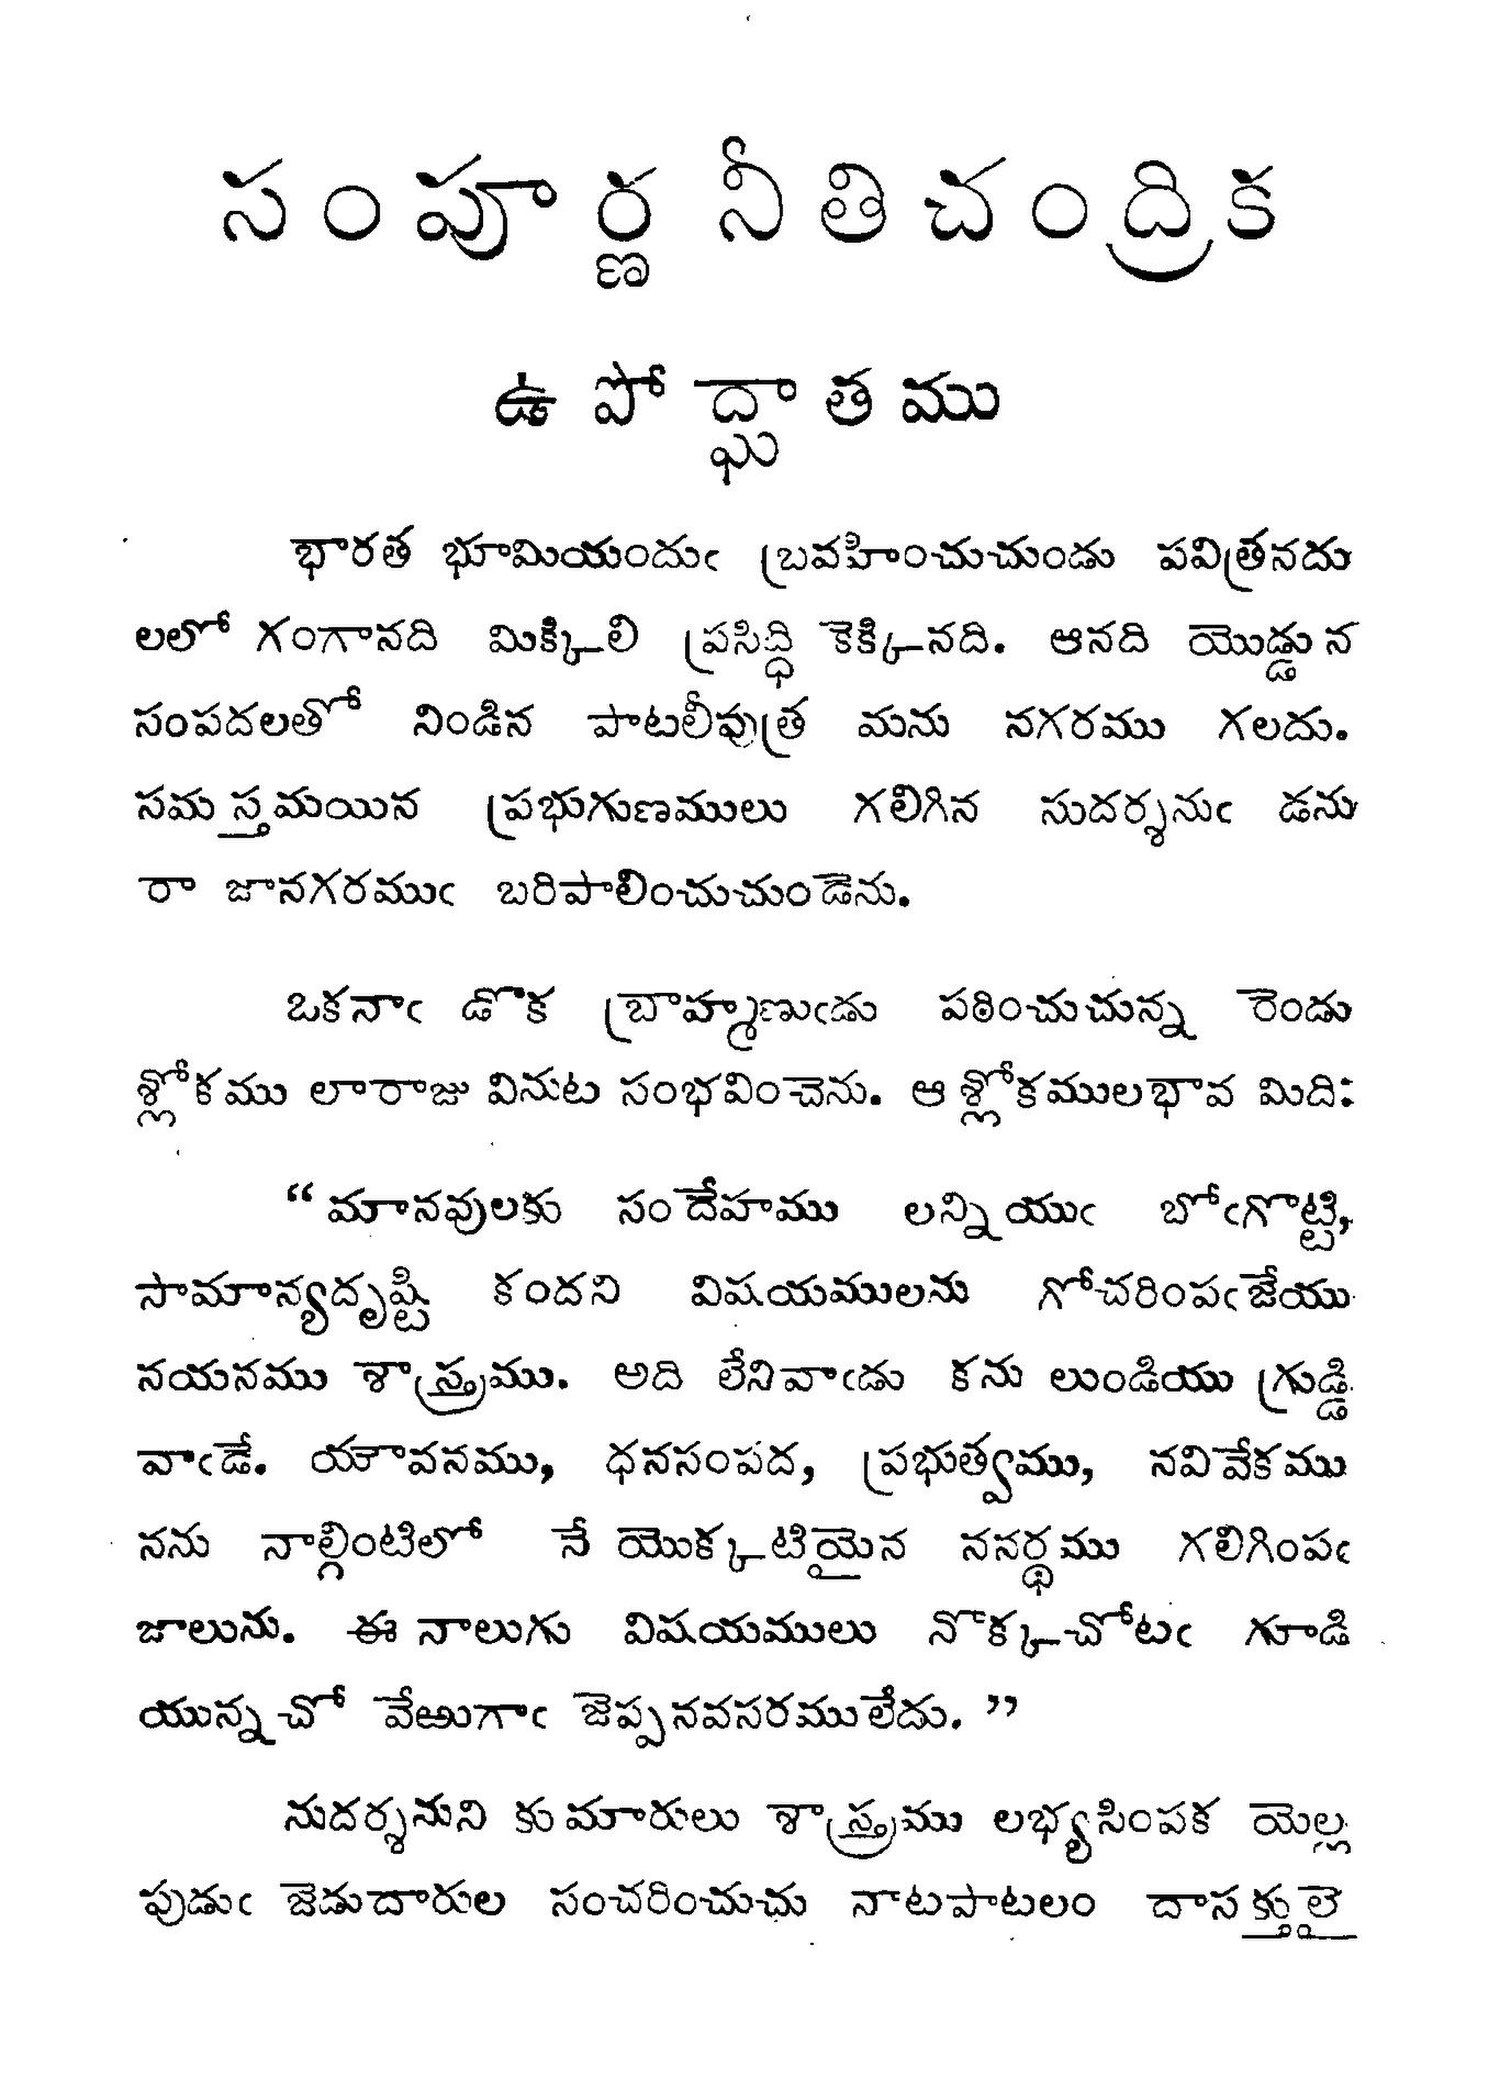భారత భూమియందు బ్రవహించుచుండు పవిత్రనదులలో గంగానది మిక్కిలి ప్రసిద్ధి కెక్కినది. ఆనది యొడ్డున సంపదలతో నిండిన పాటలీపుత్ర మను నగరము గలదు. సమస్తమయిన ప్రభుగుణములు గలిగిన సుదర్శను డను రాజానగరము బరిపాలించుచుండెను.

ఒకనా డొక బ్రాహ్మణుడు పఠించుచున్న రెండు శ్లోకము లారాజు వినుట సంభవించెను. ఆ శ్లోకములభావ మిది:

"మానవులకు సందేహము లన్నియు బోగొట్టి, సామాన్యదృష్టి కందని విషయములను గోచరింపజేయు నయనము శాస్త్రము. అది లేనివాడు కను లుండియు గ్రుడ్డివాడే. యౌవనము, ధనసంపద, ప్రభుత్వము, నవివేకము నను నాల్గింటిలో నే యొక్కటియైన ననర్థము గలిగింప జాలును. ఈ నాలుగు విషయములు నొక్కచోట గూడి యున్నచో వేఱుగా జెప్పనవసరము లేదు."

సుదర్శనుని కుమారులు శాస్త్రము లభ్యసింపక యెల్లపుడు జెడుదారుల సంచరించుచు నాటపాటలం దాసక్తులై